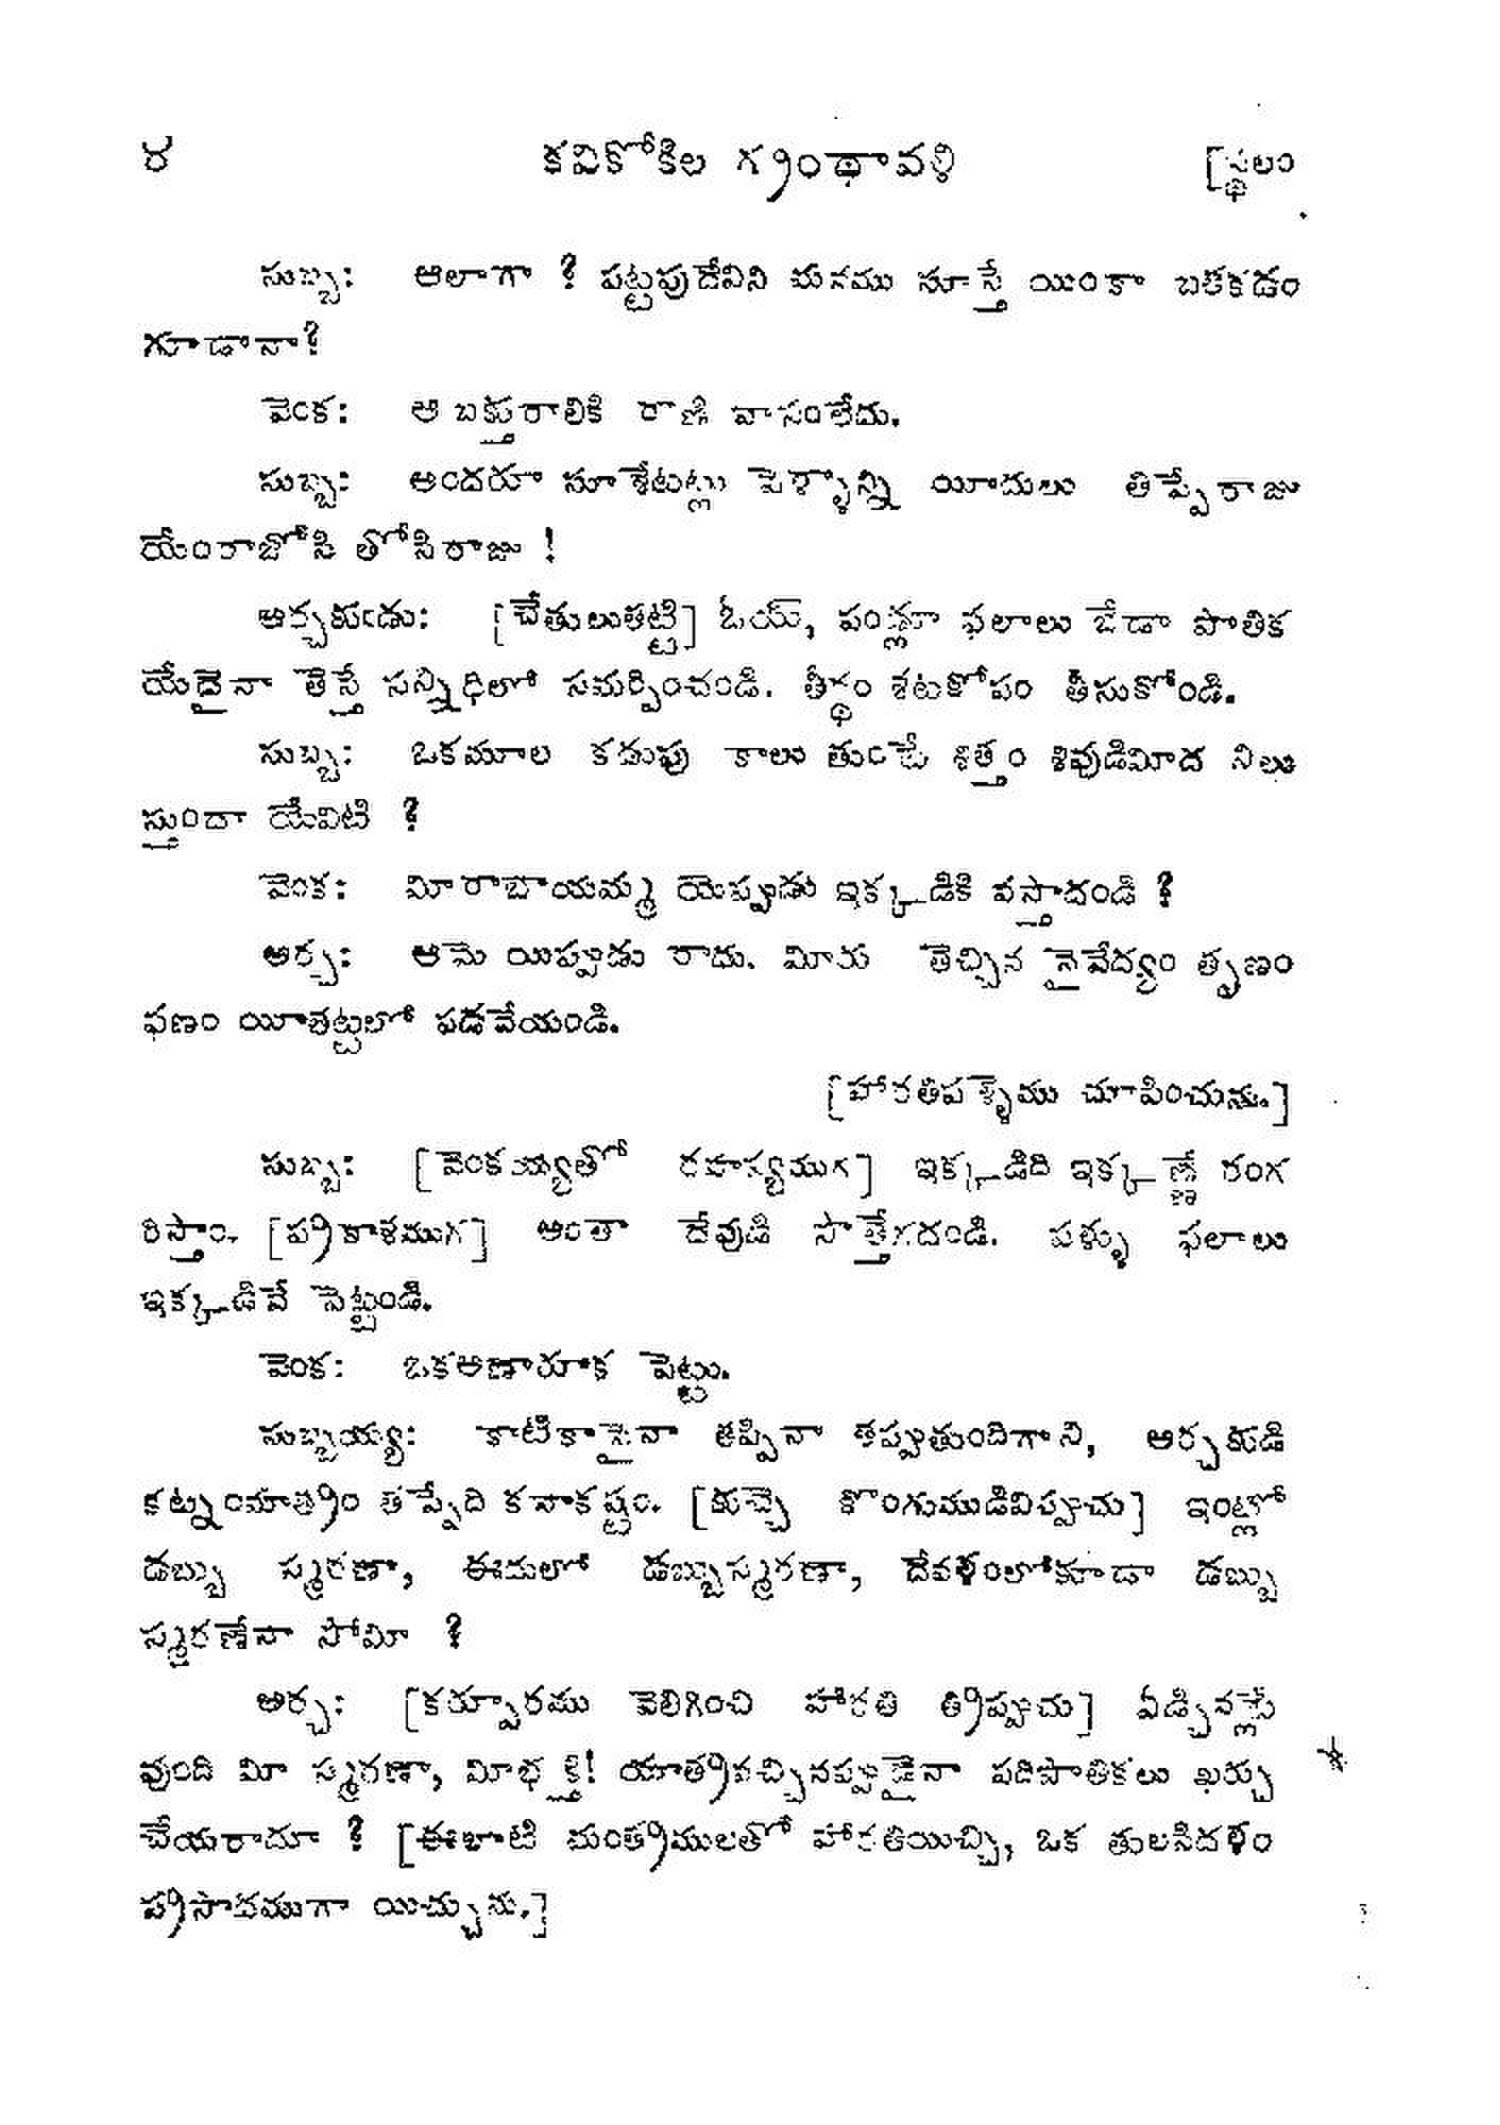సుబ్బ : ఆలాగా ? పట్టపుదేవిని మనము సూస్తే యింకా బతకడం గూడానా ?

వెంక : ఆ బక్తురాలికి రాణి వాసంలేదు.

సుబ్బ : అందరూ సూశేటట్లు పెళ్ళాన్ని యీదులు తిప్పేరాజు యేంరాజోసి తోసిరాజు !

అర్చకుఁడు : [చేతులుతట్టి] ఓయ్, పండ్లూ ఫలాలు బేడా పాతిక యేదైనా తెస్తే సన్నిధిలో సమర్పించండి. తీర్థం శటకోపం తీసుకోండి.

సుబ్బ : ఒకమూల కడుపు కాలు తుంటే శిత్తం శివుడిమీద నిలుస్తుందా యేవిటి ?

వెంక : మీరాబాయమ్మ యెప్పుడు ఇక్కడికి వస్తాదండి ?

అర్చ : ఆమె యిప్పుడు రాదు. మీరు తెచ్చిన నైవేద్యం తృణం ఫణం యీతట్టలో పడవేయండి.

సుబ్బ : [వెంకయ్యతో రహస్యముగ] ఇక్కడిది ఇక్కణ్ణే రంగరిస్తాం. [ప్రకాశముగ] అంతా దేవుడి సొత్తేగదండి. పళ్ళు ఫలాలు ఇక్కడివే పెట్టండి.

వెంక : ఒక అణారూక పెట్టు.

సుబ్బయ్య : కాటికాపైనా తప్పినా తప్పుతుందిగాని, అర్చకుడి కట్నంమాత్రం తప్పేది కనాకష్టం. [కుచ్చె కొంగుముడివిప్పుచు] ఇంట్లో డబ్బు స్మరణా, ఈదులో డబ్బుస్మరణా, దేవళంలోకూడా డబ్బు స్మరణేనా సోమీ ?

అర్చ : [కర్పూరము వెలిగించి హారతి త్రిప్పుచు] ఏడ్చినట్లే వుంది మీ స్మరణా, మీభక్తి ! యాత్రవచ్చినప్పుడైనా పదిపాతికలు ఖర్చు చేయరాదూ ? [ఈలాటి మంత్రములతో హారతియిచ్చి, ఒక తులసిదళం ప్రసాదముగా యిచ్చును.]